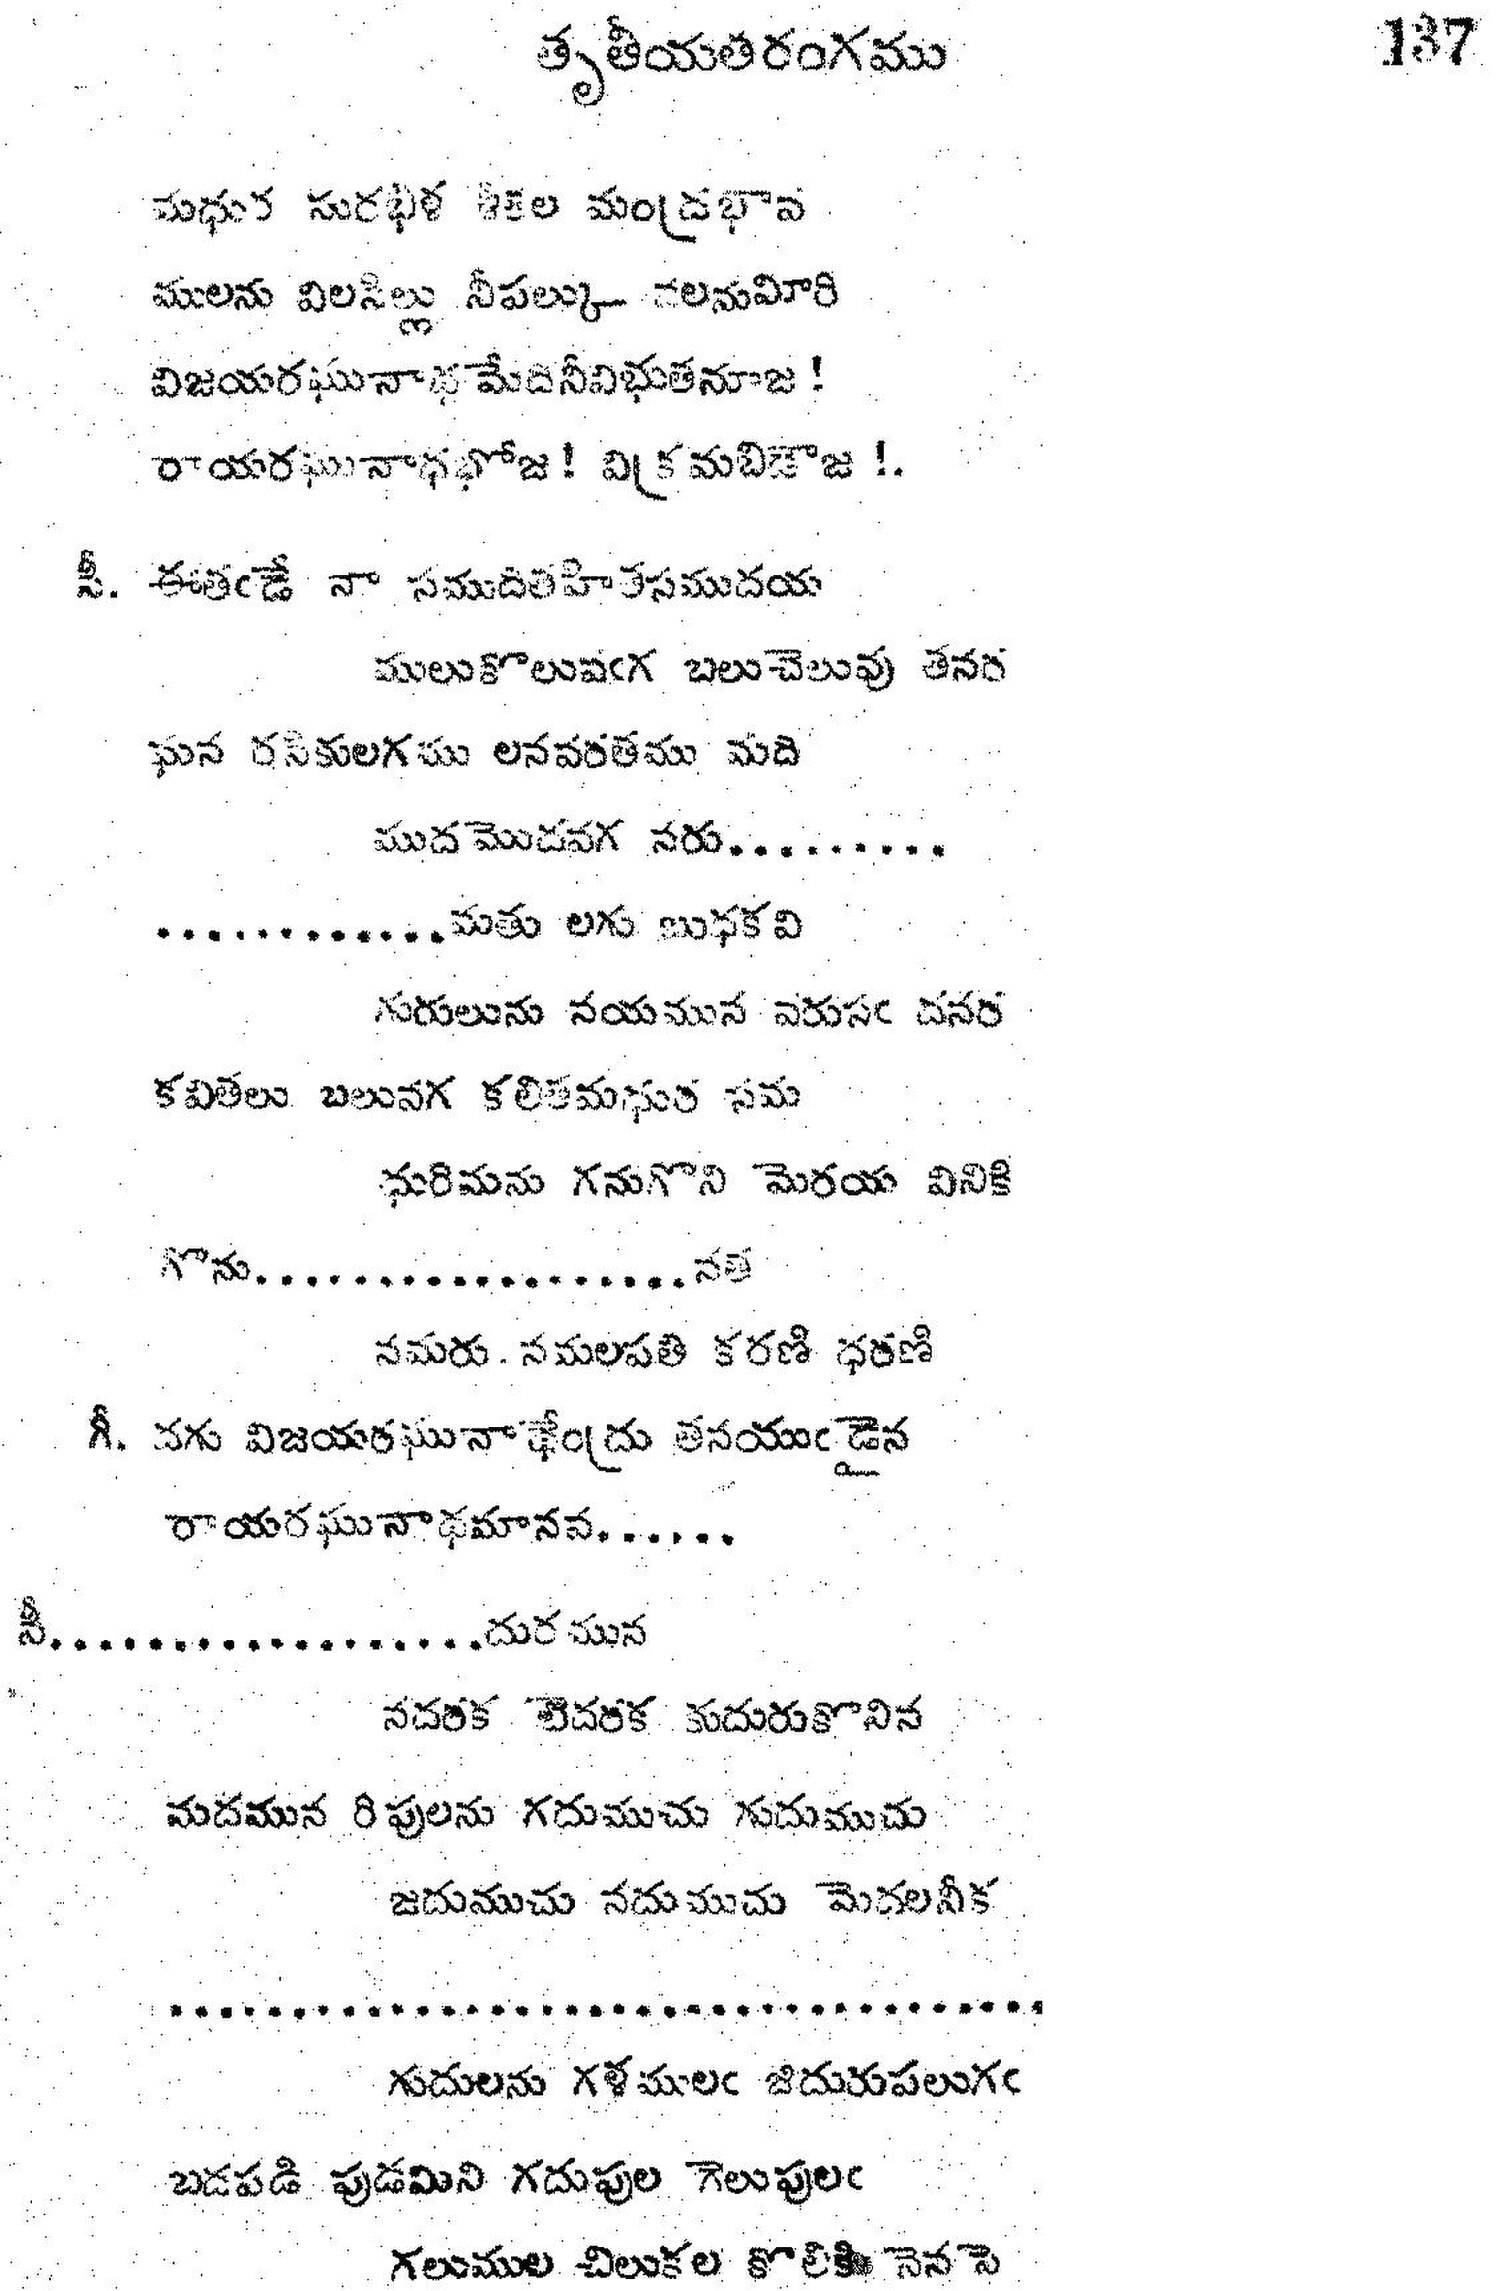మధురసురభిళశీతలమంద్రభావ
 ములను విలసిల్లు నీపల్కు వలనుమీరి
 విజయరఘునాథమేదినీవిభుతనూజ
 రాయరఘునాథభోజ! విక్రమబిడౌజ!

సీ. ఈతఁడే నా సముదితహితసముదయ
 ములు కొలువఁగ బలుచెలువు తనర
 ఘనరసికులగము లనవరతము మది
 ముద మొదవగ నరు....................
 ........................మతు లగు బుధకవి
 గురులును నయమున వరుసఁ దనర
 కవితలు బలువగ కలితమధురసమ
 ధురిమను గనుగొని మెరయ వినికి
 గొను.................................నత
 నమరు నమలపతి కరణిధరణి
గీ. దగు విజయరఘునాథేంద్రు తనయుఁడైన
 రాయరఘునాథమానవ.......................

సీ. ...................................దురమున
 నదరక బెదరక కుదురుకొనిన
 మదమున రిపులను గదుముచు గుదుముచు
 జదుముచు నదుముచు మెదలనీక
 ..................................................
 గుదులను గళములఁ జిదురుపలుగఁ
 బదపడి పుడమిని గదుపుల గెలుపులఁ
 గలుముల చిలుకల కొలికి నెనసె